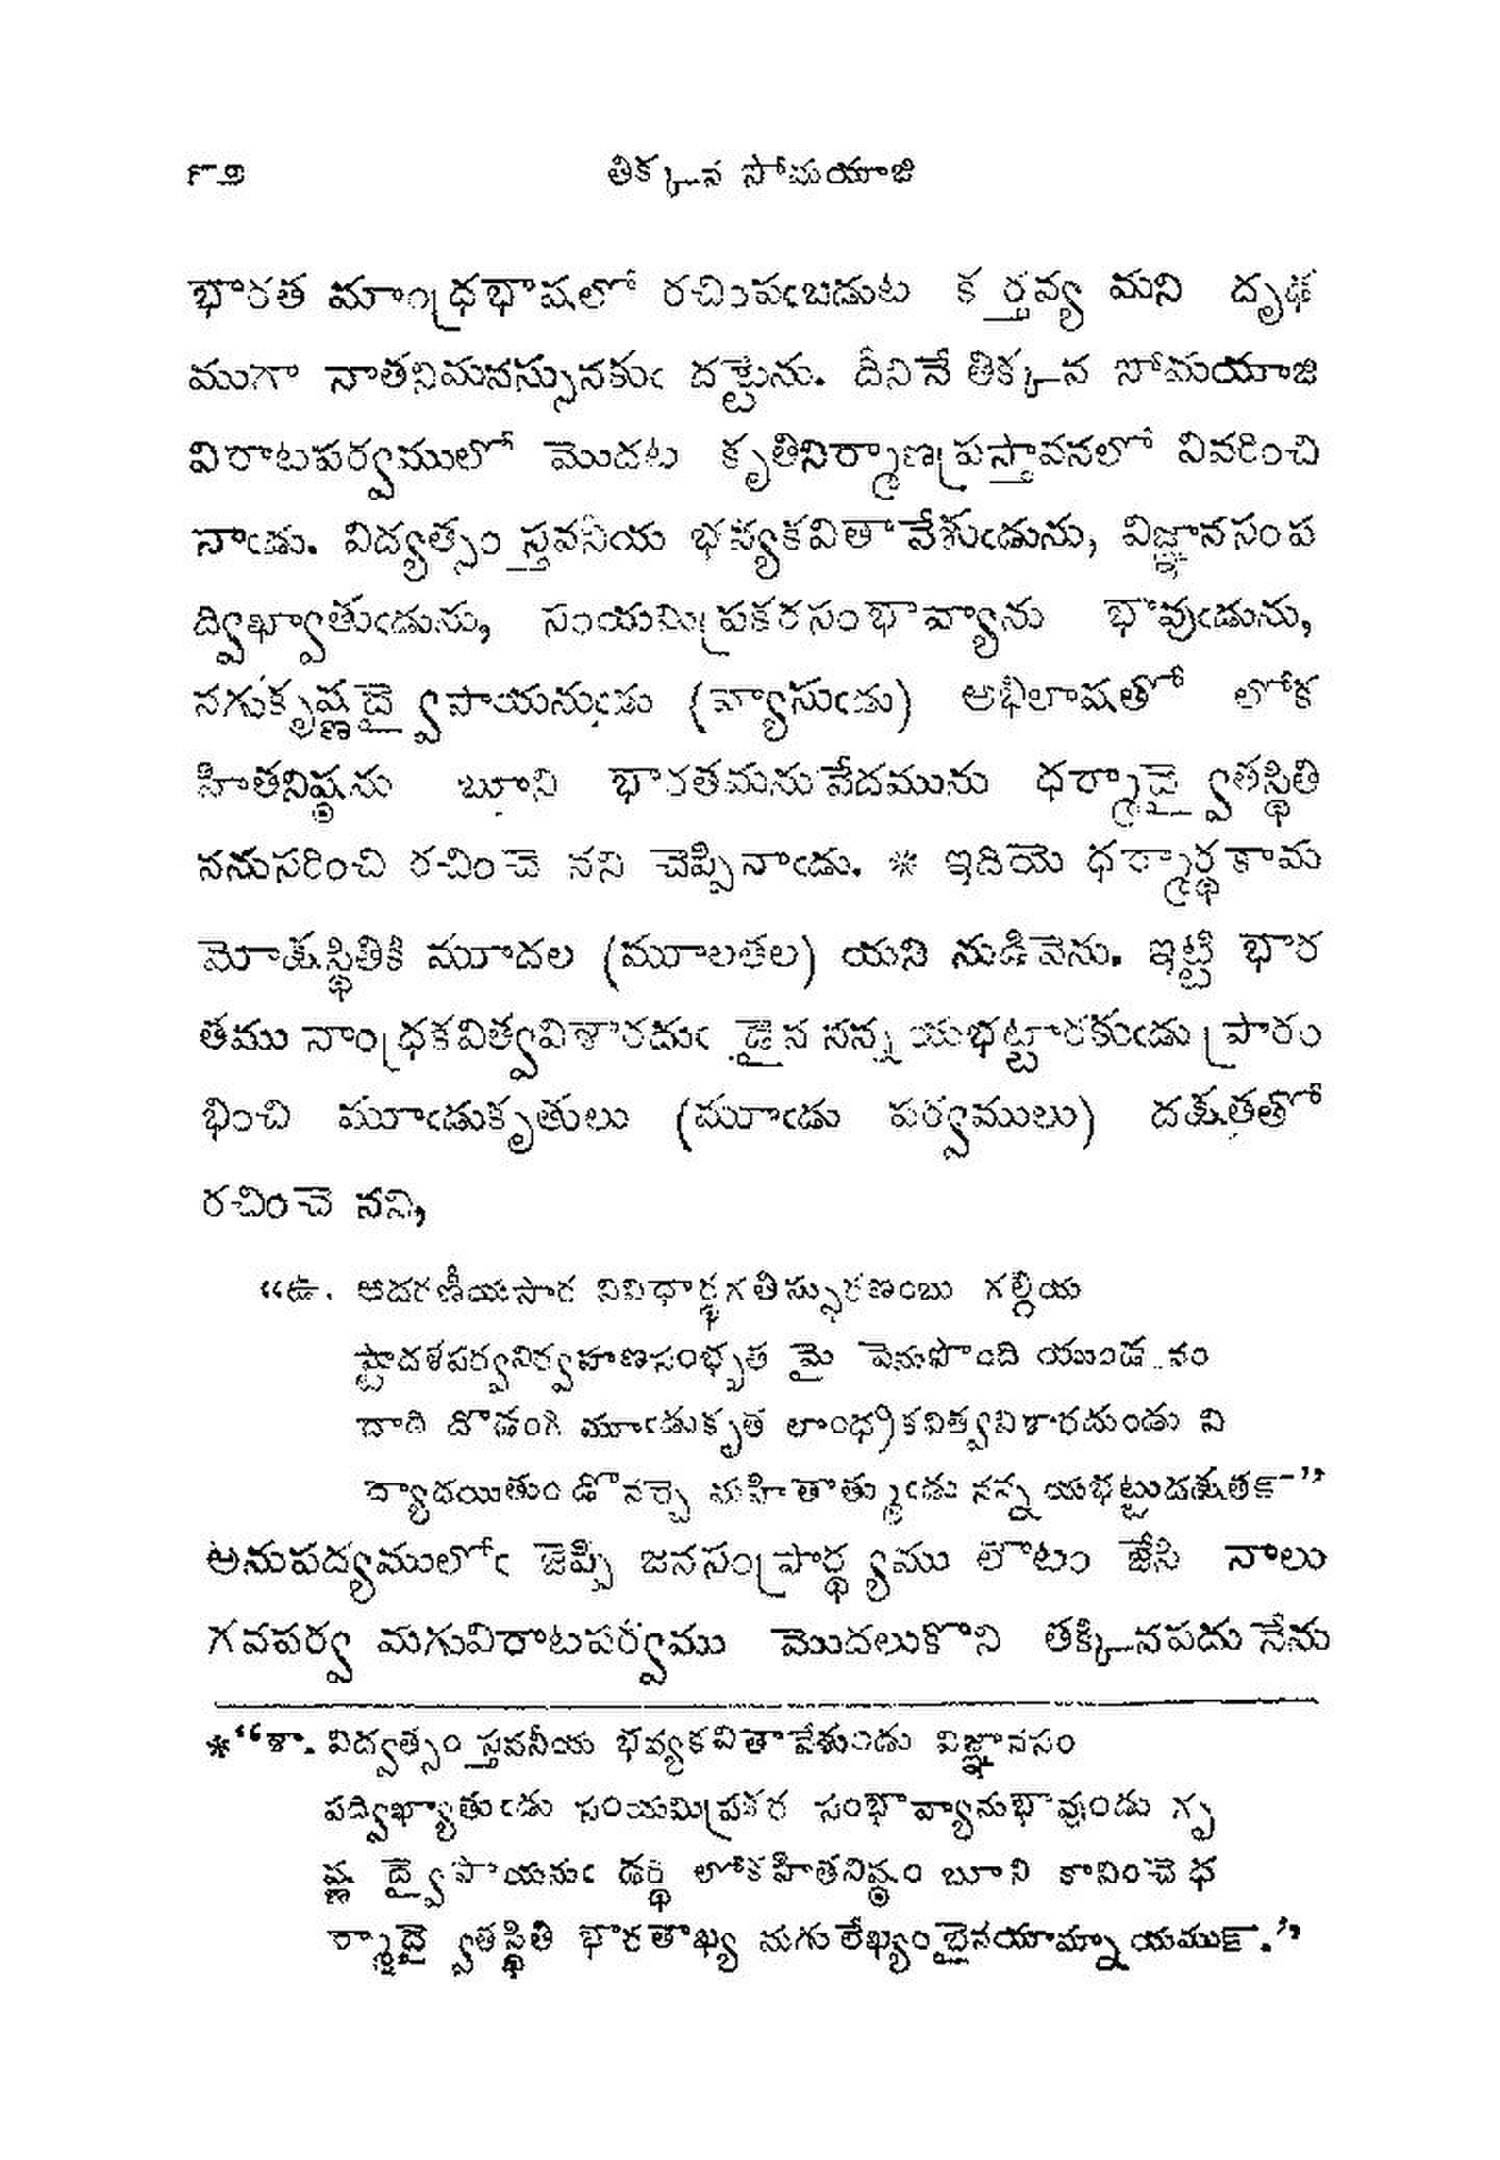భారత మాంధ్రభాషలో రచింపఁబడుట కర్తవ్య మని దృఢముగా నాతనిమనస్సునకుఁ దట్టెను. దీనినే తిక్కన సోమయాజి విరాటపర్వములో మొదట కృతినిర్మాణప్రస్తావనలో వివరించినాఁడు. విద్యత్సంస్తవనీయ భవ్యకవితావేశుఁడును, విజ్ఞానసంపద్విఖ్యాతుఁడును, సంయమిప్రకర సంభావ్యాను భావుఁడును, నగుకృష్ణద్వైపాయనుడు (వ్యాసుఁడు) అభిలాషతో లోక హితనిష్ఠను బూని భారతమనువేదమును ధర్మాద్వైతస్థితి ననుసరించి రచించె నని చెప్పినాఁడు. ఇదియే ధర్మార్థకామమోక్షస్థితికి మూదల (మూలతల) యని నుడివెను. ఇట్టి భారతము నాంధ్రకవిత్వవిశారదుఁ డైన నన్నయభట్టారకుఁడు ప్రారంభించి మూఁడుకృతులు (మూఁడు పర్వములు) దక్షతతో రచించె నని, 

"ఉ. ఆదరణీయసార వివిధార్థగతిస్ఫురణంబు గల్గియ
 ష్టాదశపర్వనిర్వహణసంభృత మై పెనుపొంది యుండ నం 
 దాది దొడంగి మూఁడుకృత లాంధ్రకవిత్వవిశారదుండు వి
 ద్యాదయితుం డొనర్చె మహితాత్ముఁడు నన్నయభట్టుదక్షత౯"
అనుపద్యములోఁ జెప్పి జనసంప్రార్థ్యము లౌటం జేసి నాలుగవపర్వ మగువిరాటపర్వము మొదలుకొని తక్కినపదునేను